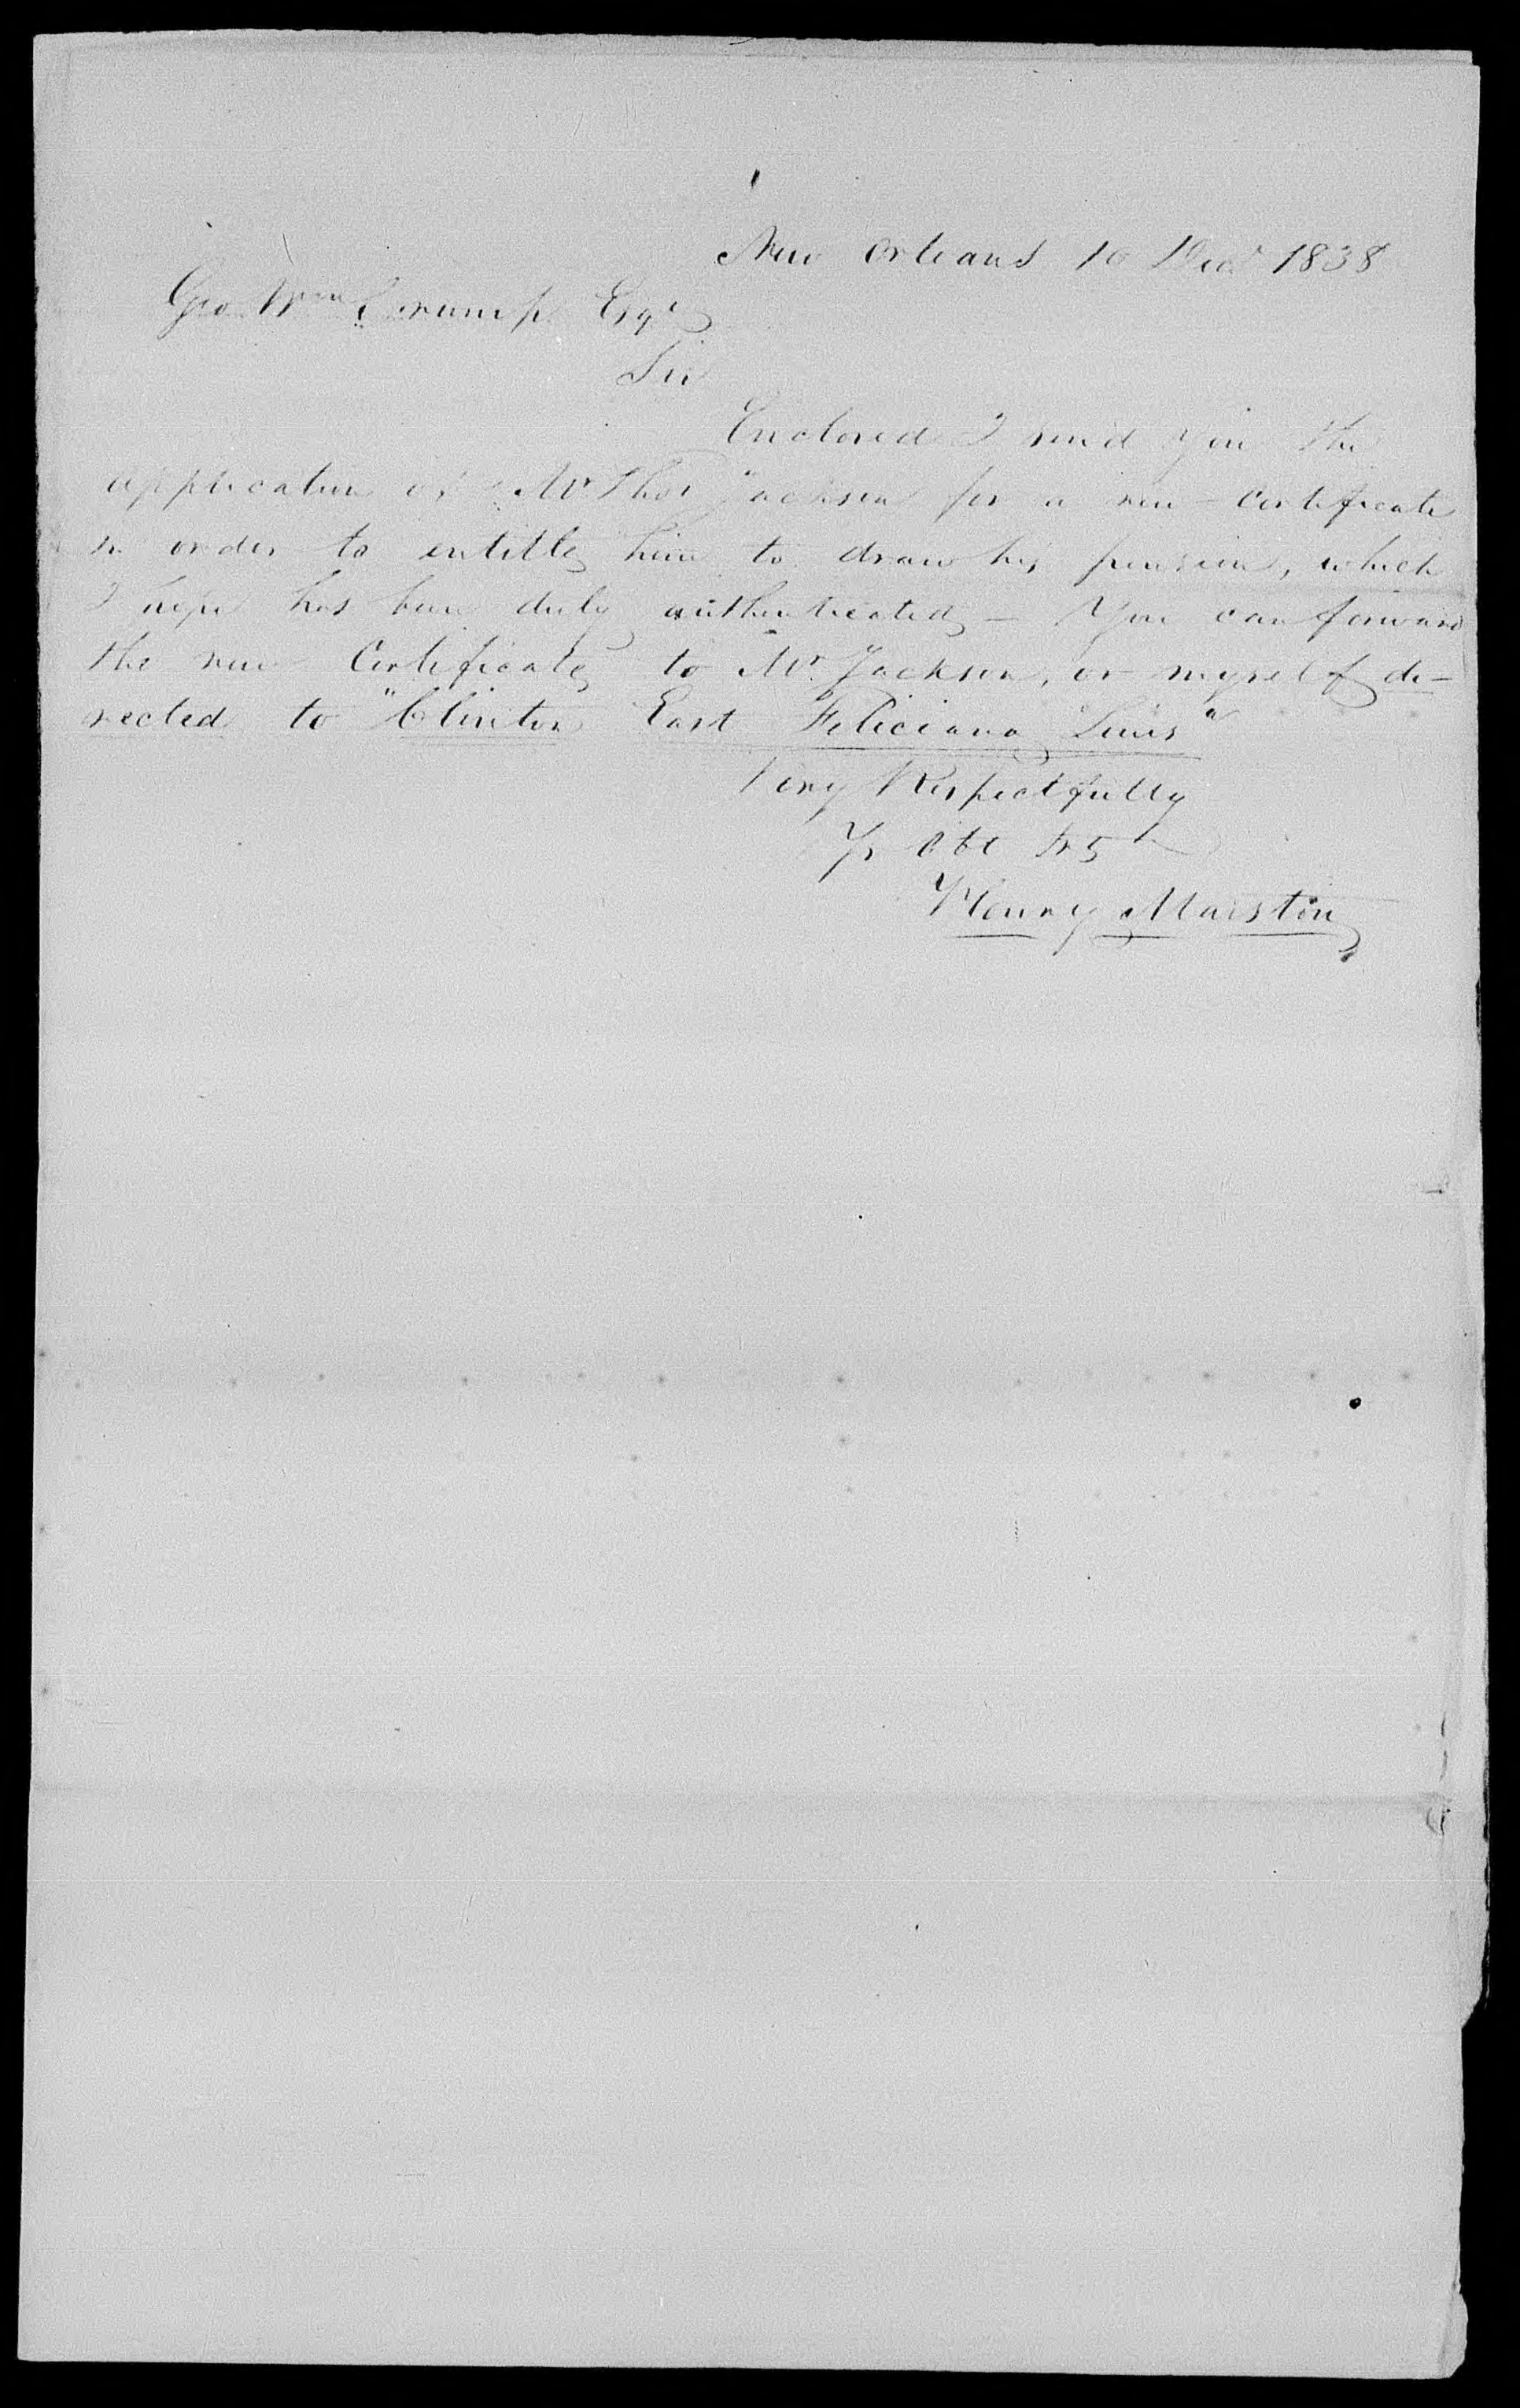New Orleans 10 Dec 1838
Geo. Wm Crump Esq

Sir
Enclosed I send you the application of Mr Thos Jackson for a new certificate In order to entitle him to draw his pension, which  I believe has been duly authenticated-- you can forward
the new certificate to Mr Jackson, or myself directed to "Clinton East Feliciana Louis"

Very respectfully
Yr obt servt
Harry Marston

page: 45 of 54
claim: survivor's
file: S. 31166, for Thomas Jackson, South Carolina